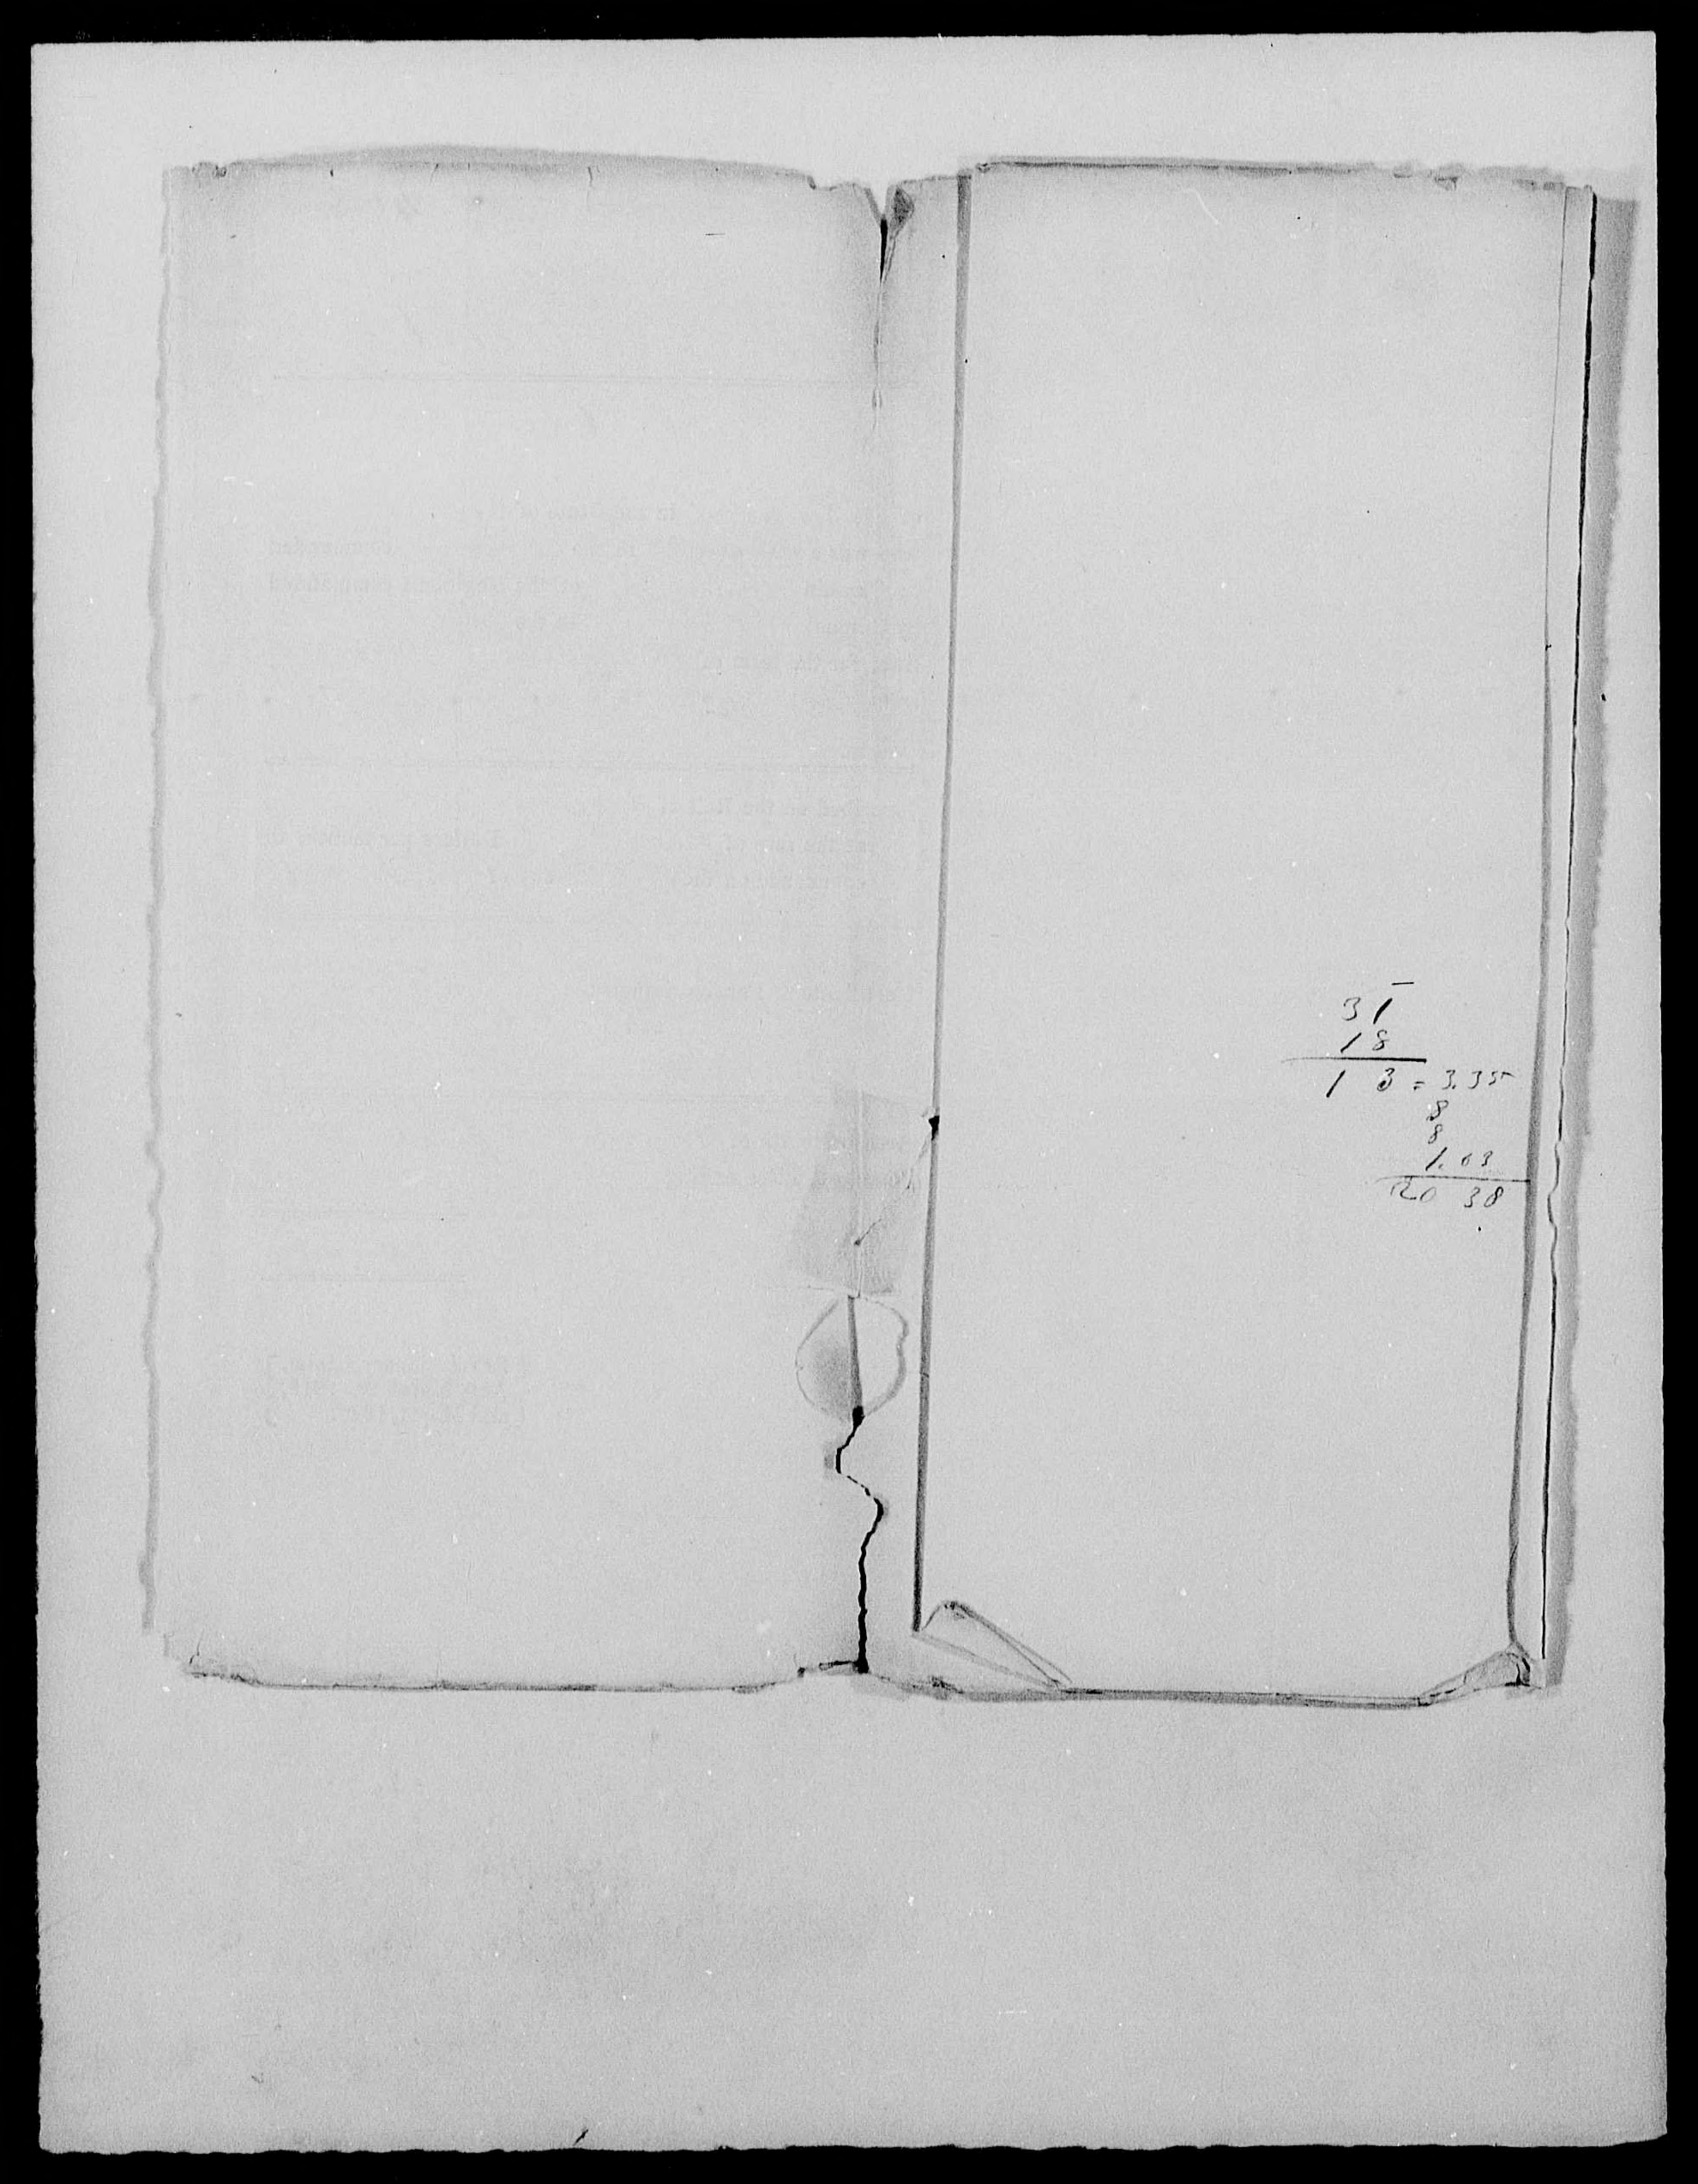31
15
----
130 
8
8
1.00
20 38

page: 47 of 48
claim: survivor's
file: S. 17343, Lemuel Clarke, Mass.